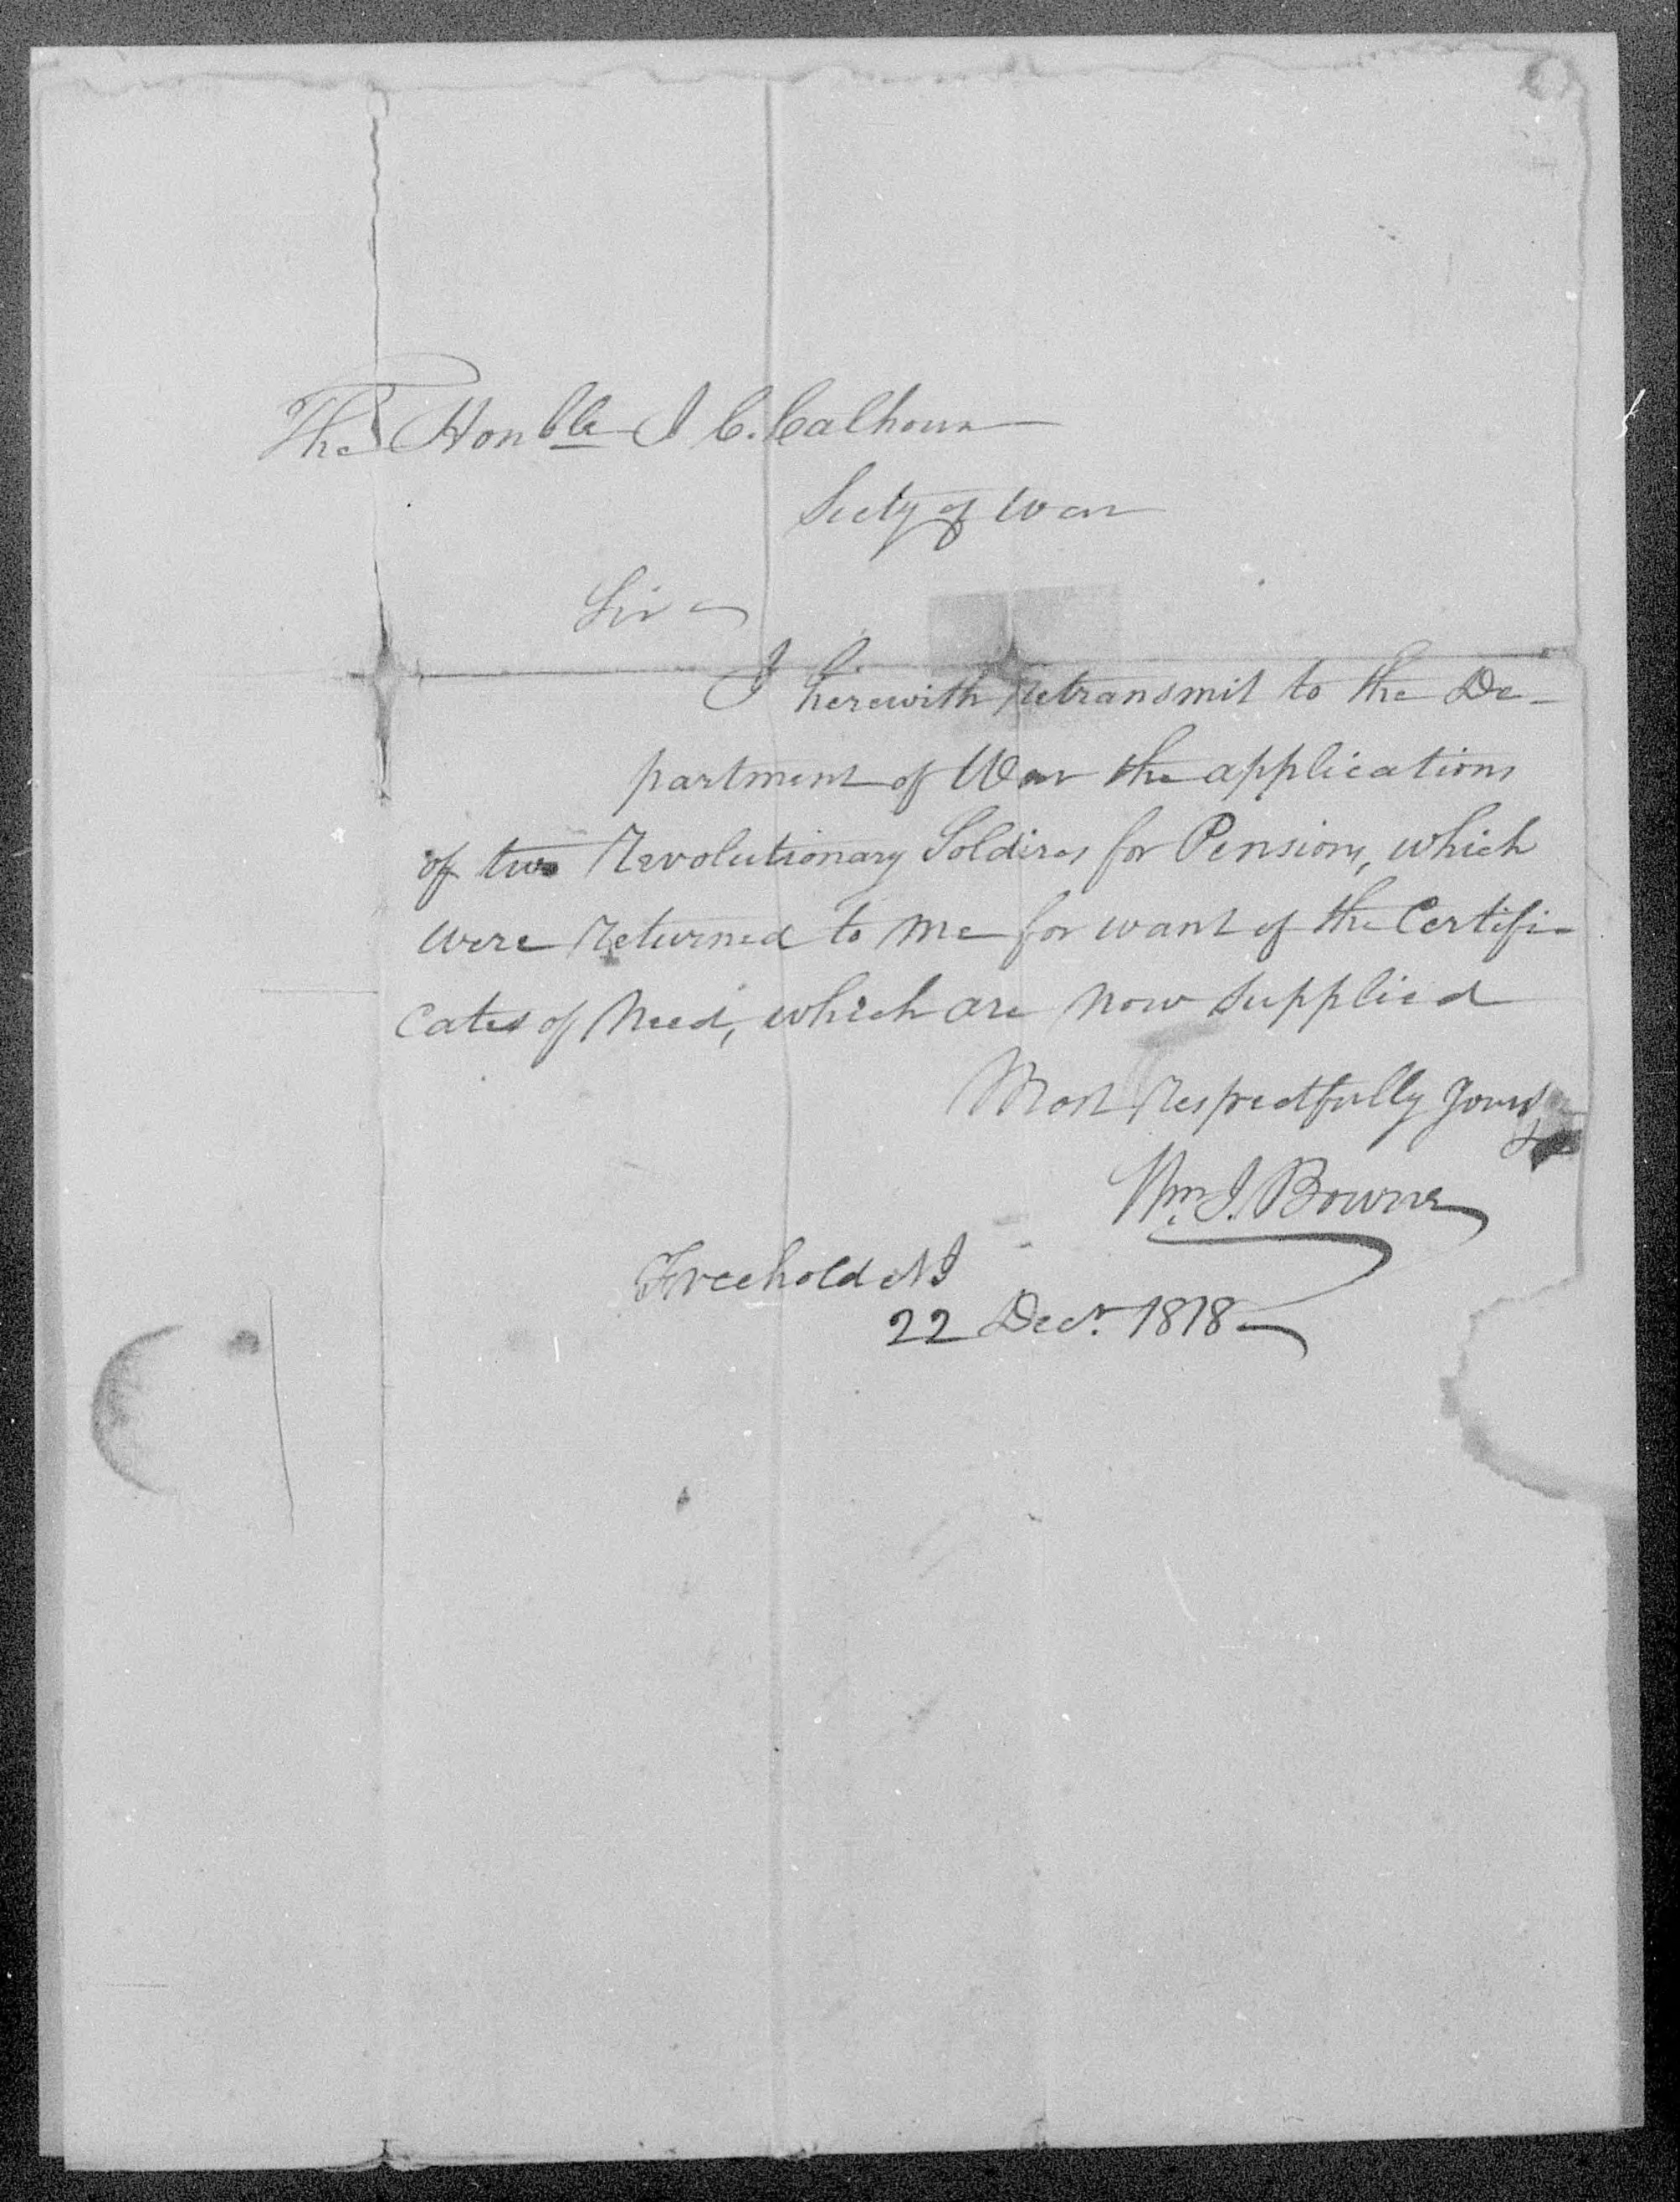The Honble J C. Calhoun
                  Secty of War

Sir-

    I herewith transmit to the De
partment of War the applications
of two Revolutionary Soldiers for Pension, which
were returned to me for want of the certifi
cates of need, which are now supplied

                                    Most Respectfully [?]
                                      Wm J. Bowne

Freehold NJ
22 Decr 1818-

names: Wm J Bowne; J C Calhoun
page: 12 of 12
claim: survivor's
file: S. 34,471, for Abraham Peterson, New Jersey